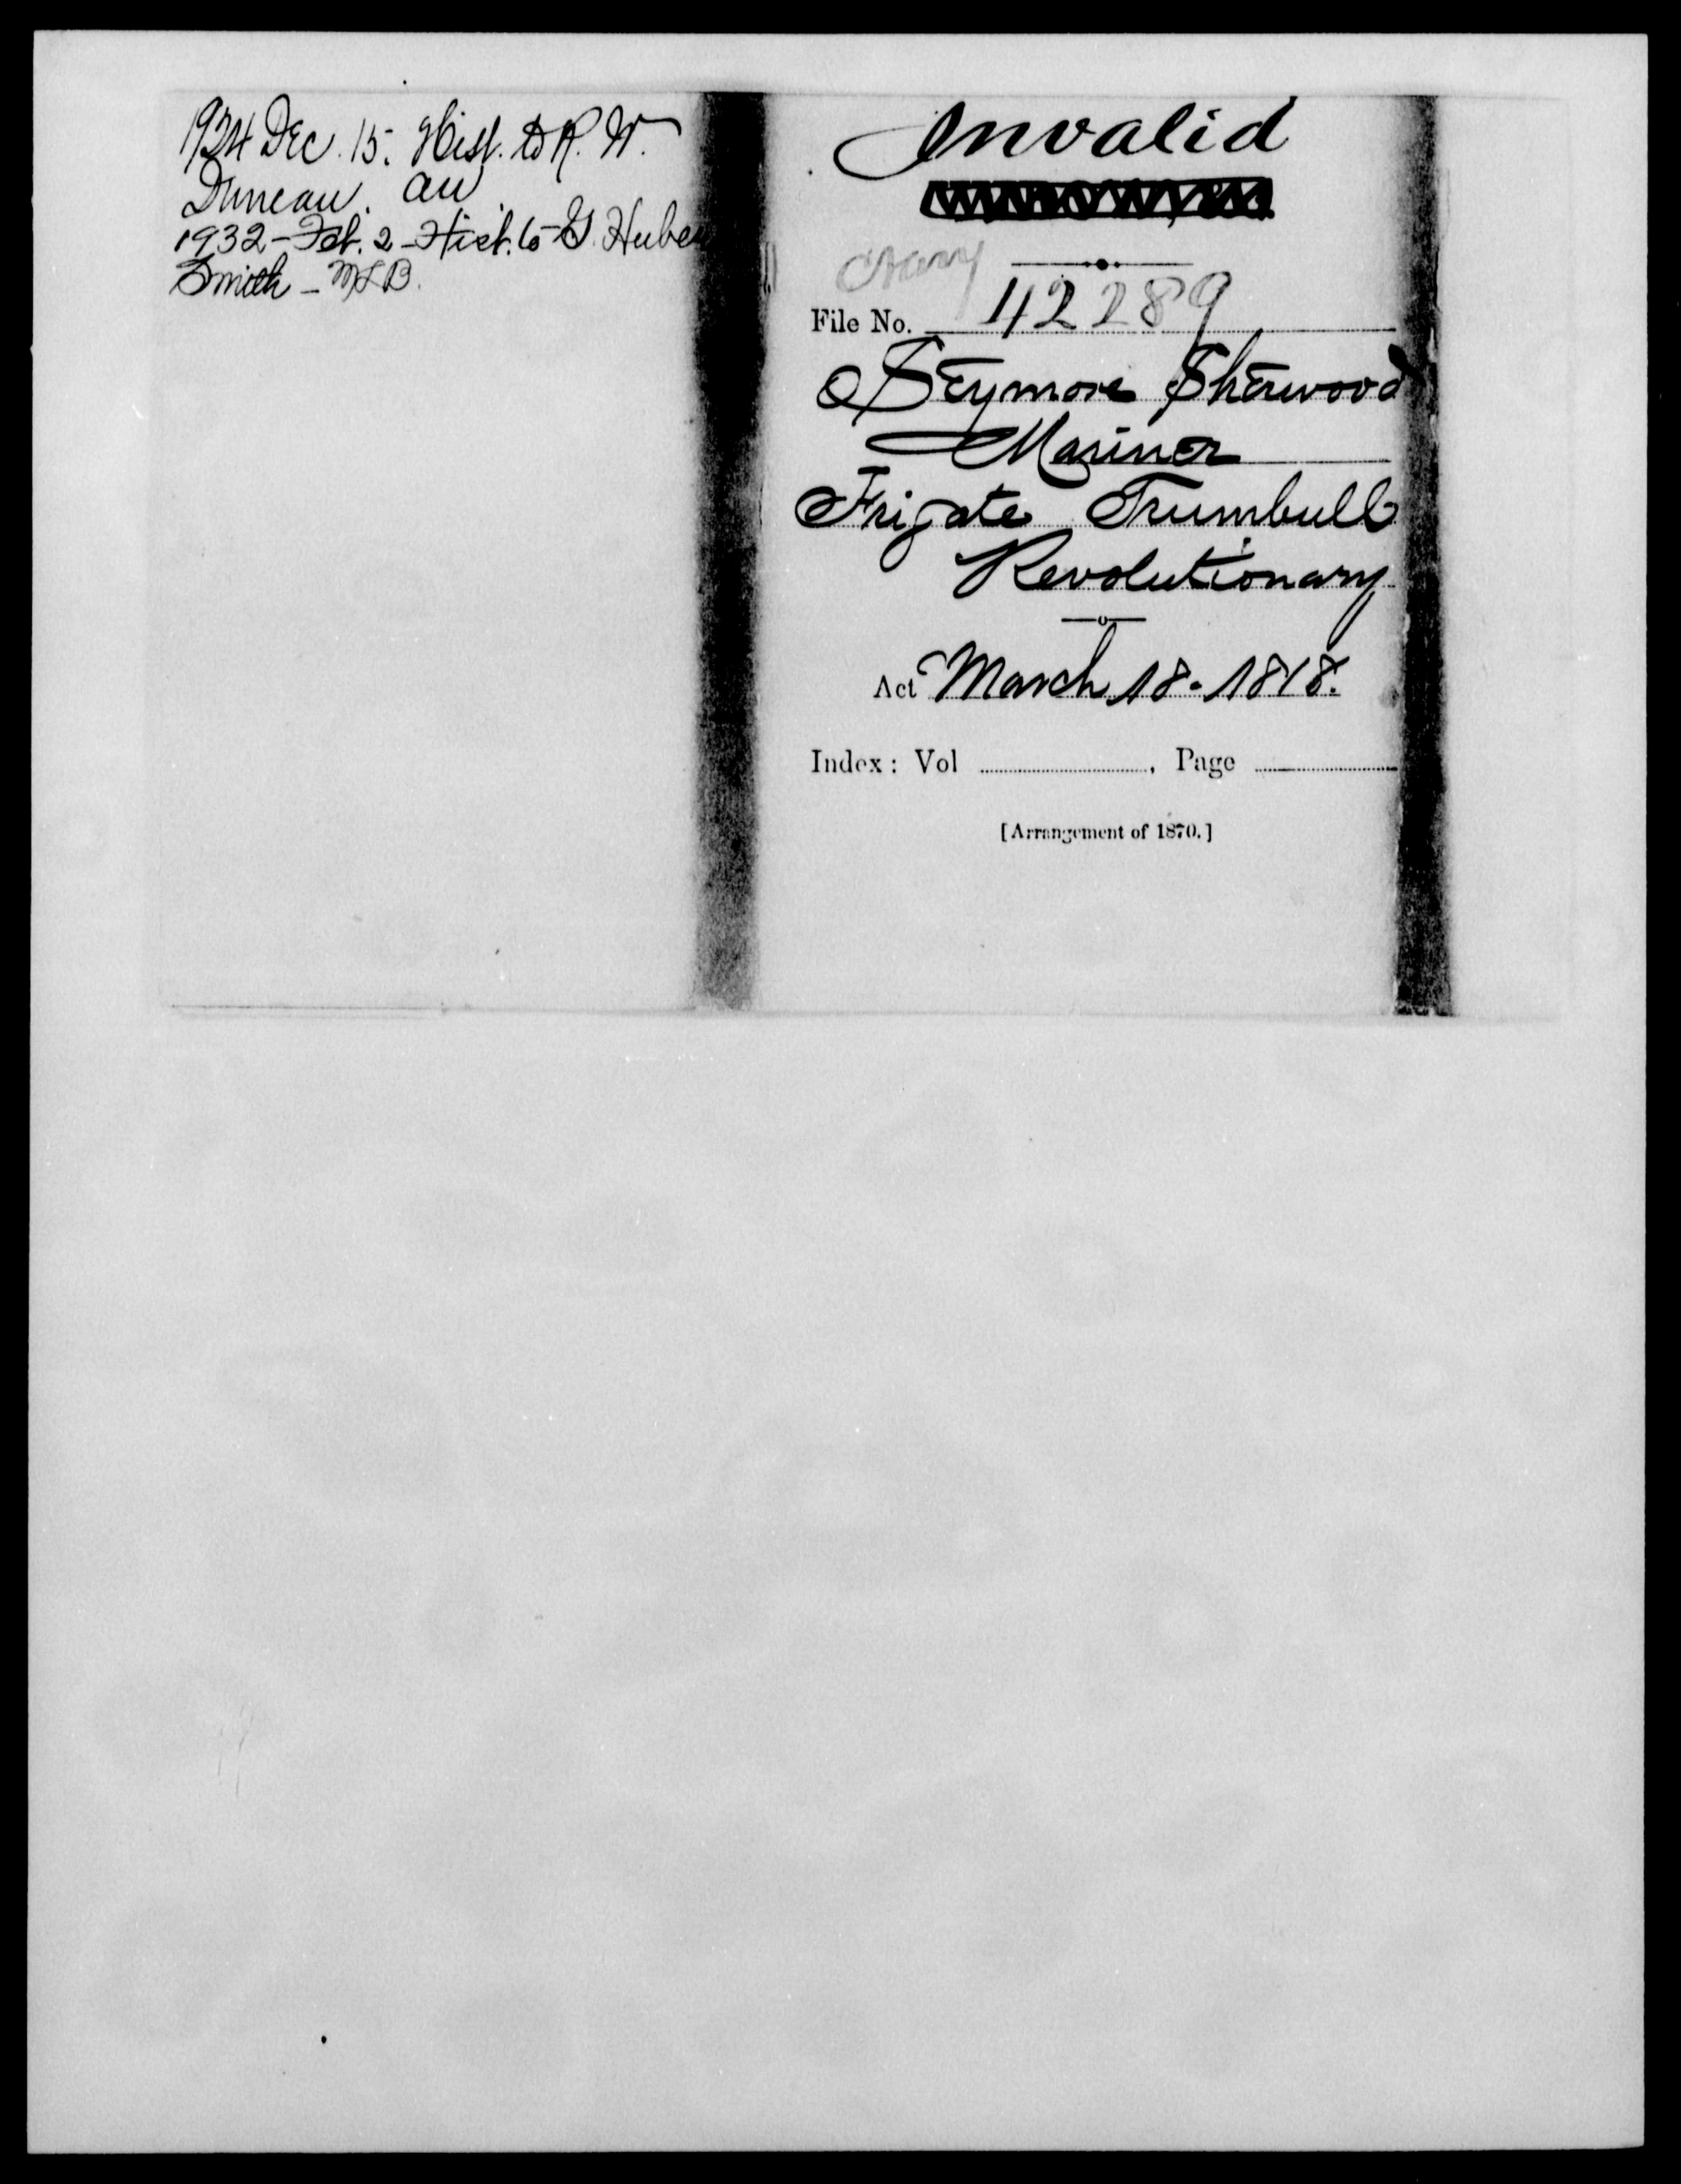INVALID

Navy

File No. 42289

Seymore Sherwood
Mariner
Frigate Trumbull
Revolutionary

Act March 18, 1818.

Index: Vol  , Page

[Arrangement of 1870]


1924 Dec. 15 Hist. to R.W. Duncan 
1932 - Feb. 2 - Hist. to G. Hubert Smith - MLB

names: Seymore Sherwood; R W Duncan; G Hubert Smith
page: 15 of 30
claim: survivor's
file: S. 42289, for Seymore Sherwood, Connecticut